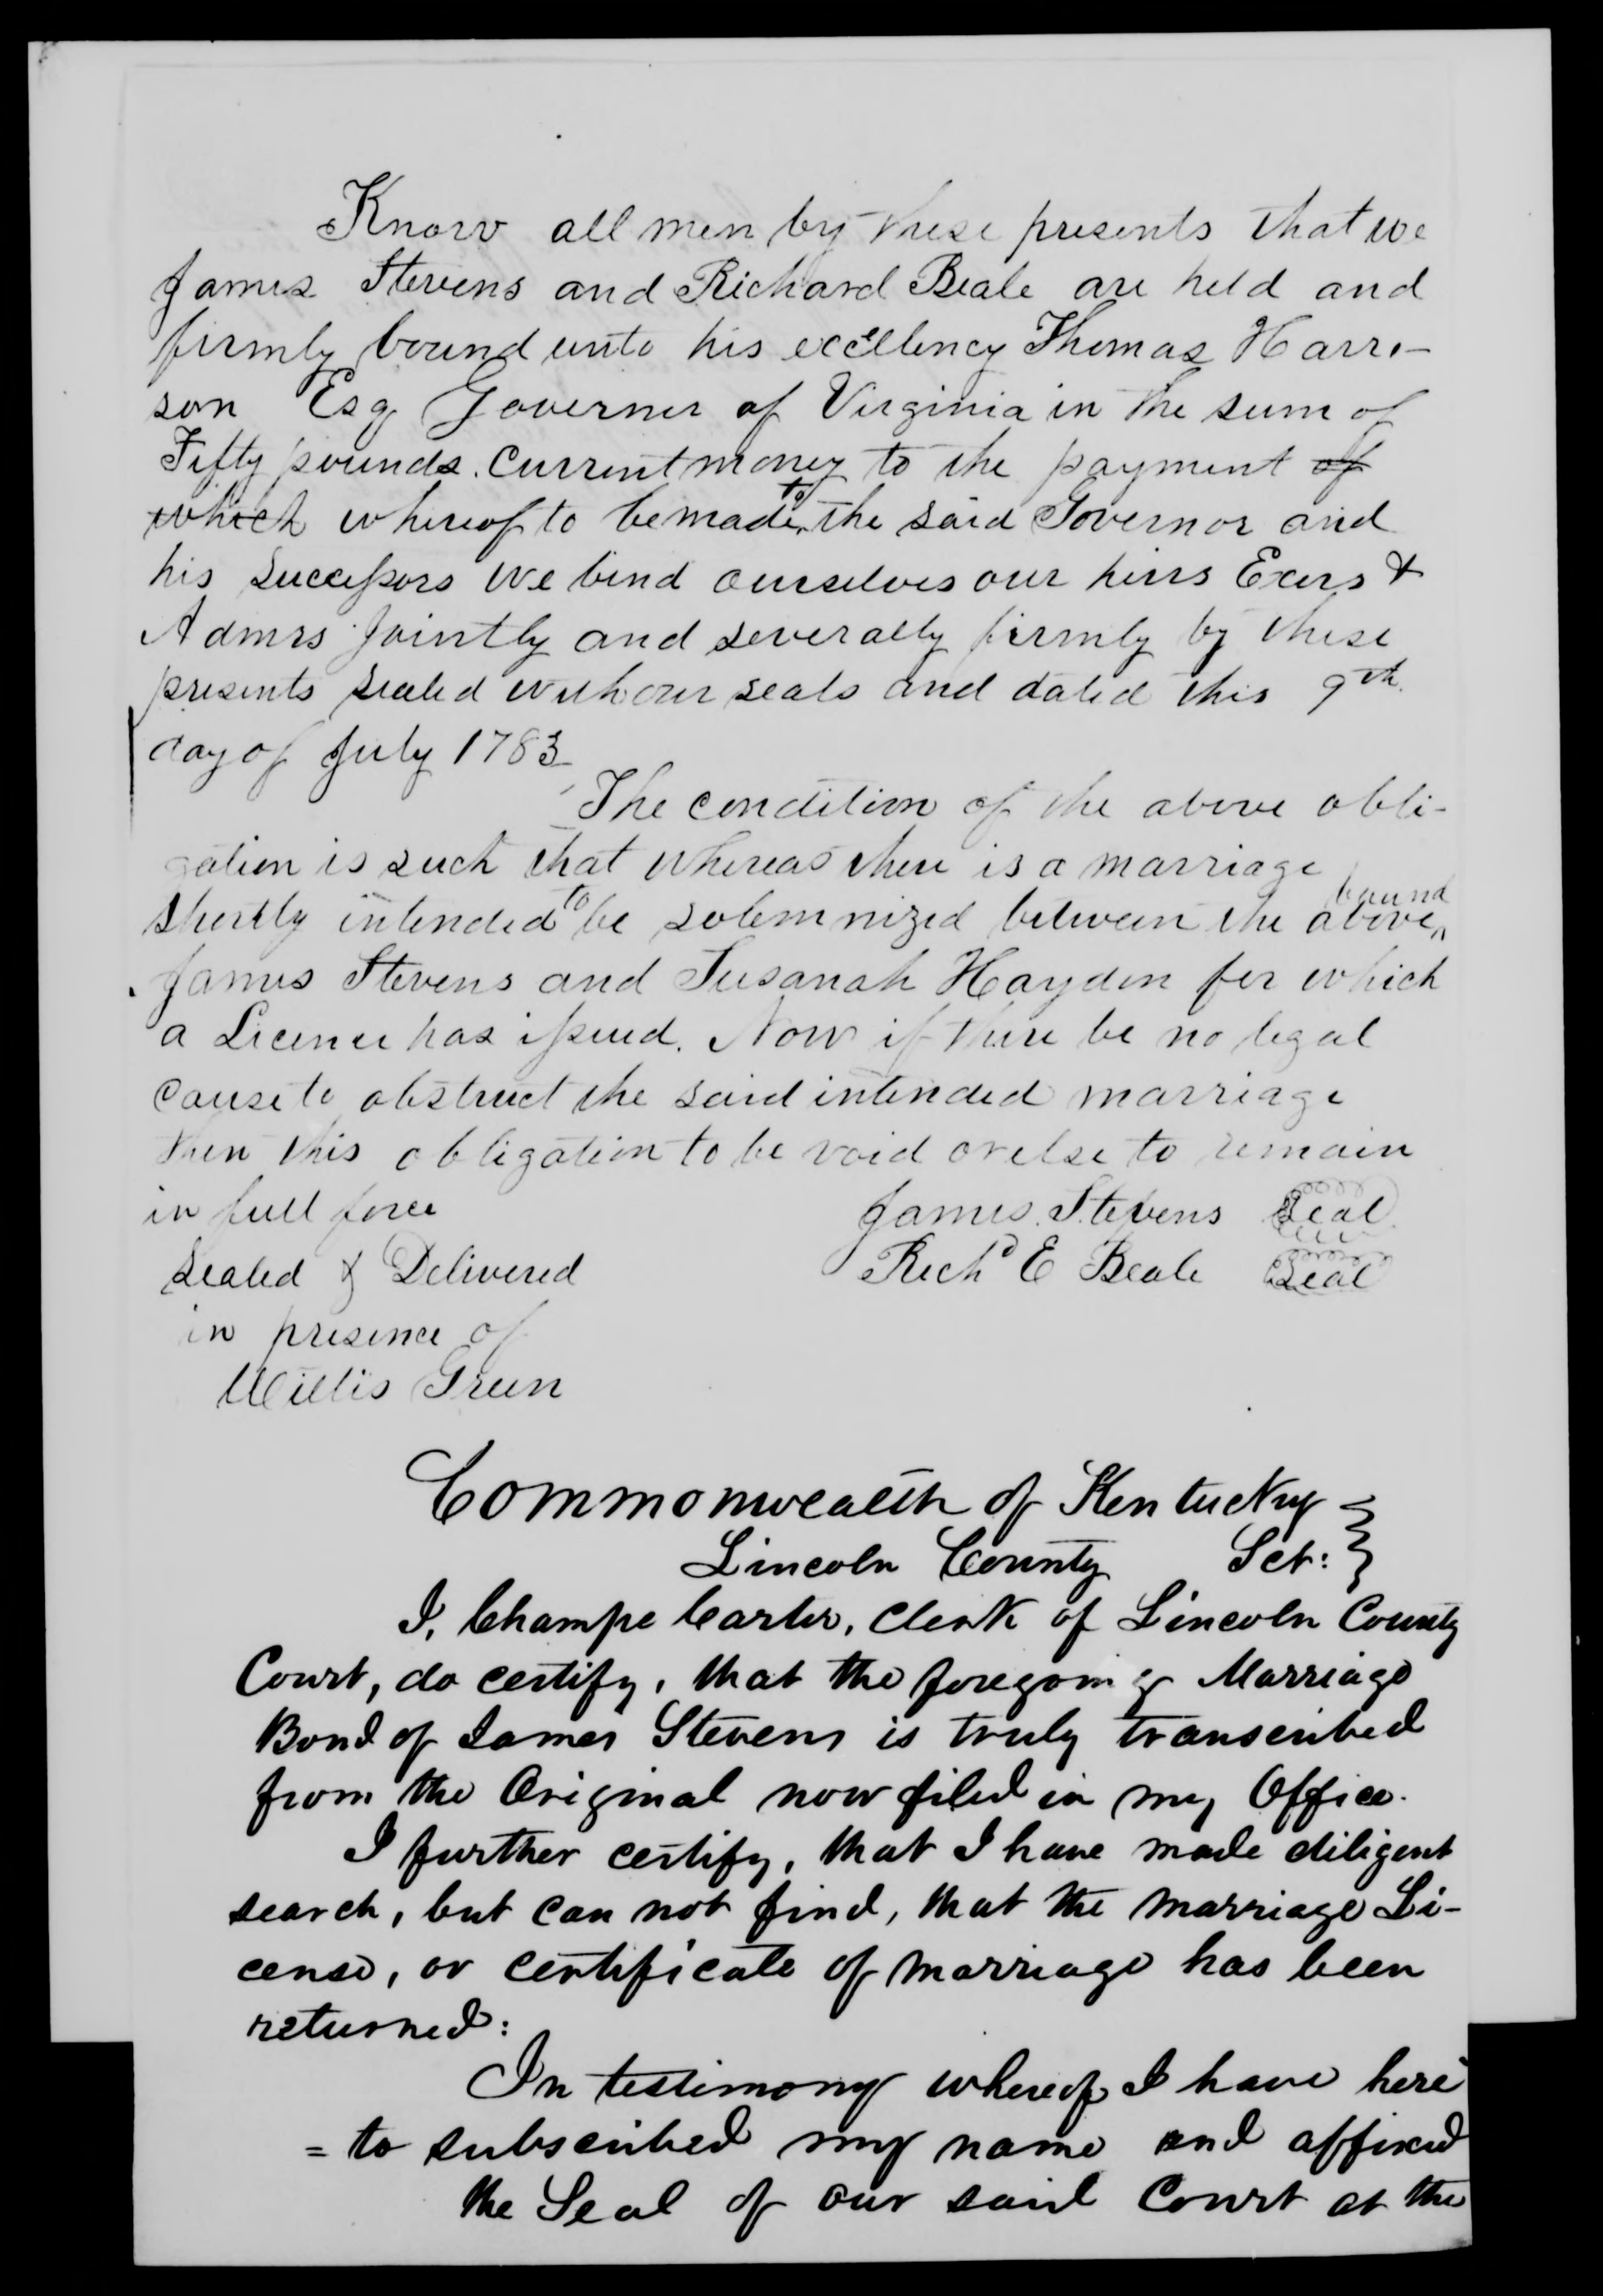Know all men by these presents that we James Stevens and Richard Beale are held and firmly bound unto his excellency Thomas Harrison
Esq Governor of Virginia in the sum of
Fifty pounds current money to the payment of which whereof to be made to the said Governor and his successors we bind ourselves our heirs Exers & Admrs jointly and severably firmly by these presents sealed with our seals and dated this 9th day of July 1783.
The condition of the above obligation
is such that whereas there is a marriage shortly intended to be solemnized between the above bound James Stevens and Susanah Hayden for which a Licence has issued. Now if there be no legal cause to obstruct the said intended marriage then this obligation to be void or else to remain in full force
Sealed & Delivered in presence of Willis Green
James Stevens [Seal]
Rich E Beale [Seal]

Commonwealth of Kentucky
Lincoln County Sct:
I, Champe Carter, Clerk of Lincoln County Court, do certify, that the foregoing Marriage
Bond of James Stevens is truly transcribed from the Original now filed in my Office.
I further certify, that I have made diligent search, but can not find, that the Marriage License , or Certificate of Marriage has been
returned:
In testimony whereof I have hereto subscribed my name and affixed 
the Seal of our said Court at the ┃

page: 25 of 99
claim: widow's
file: W 8766, for James Stevens, Virginia